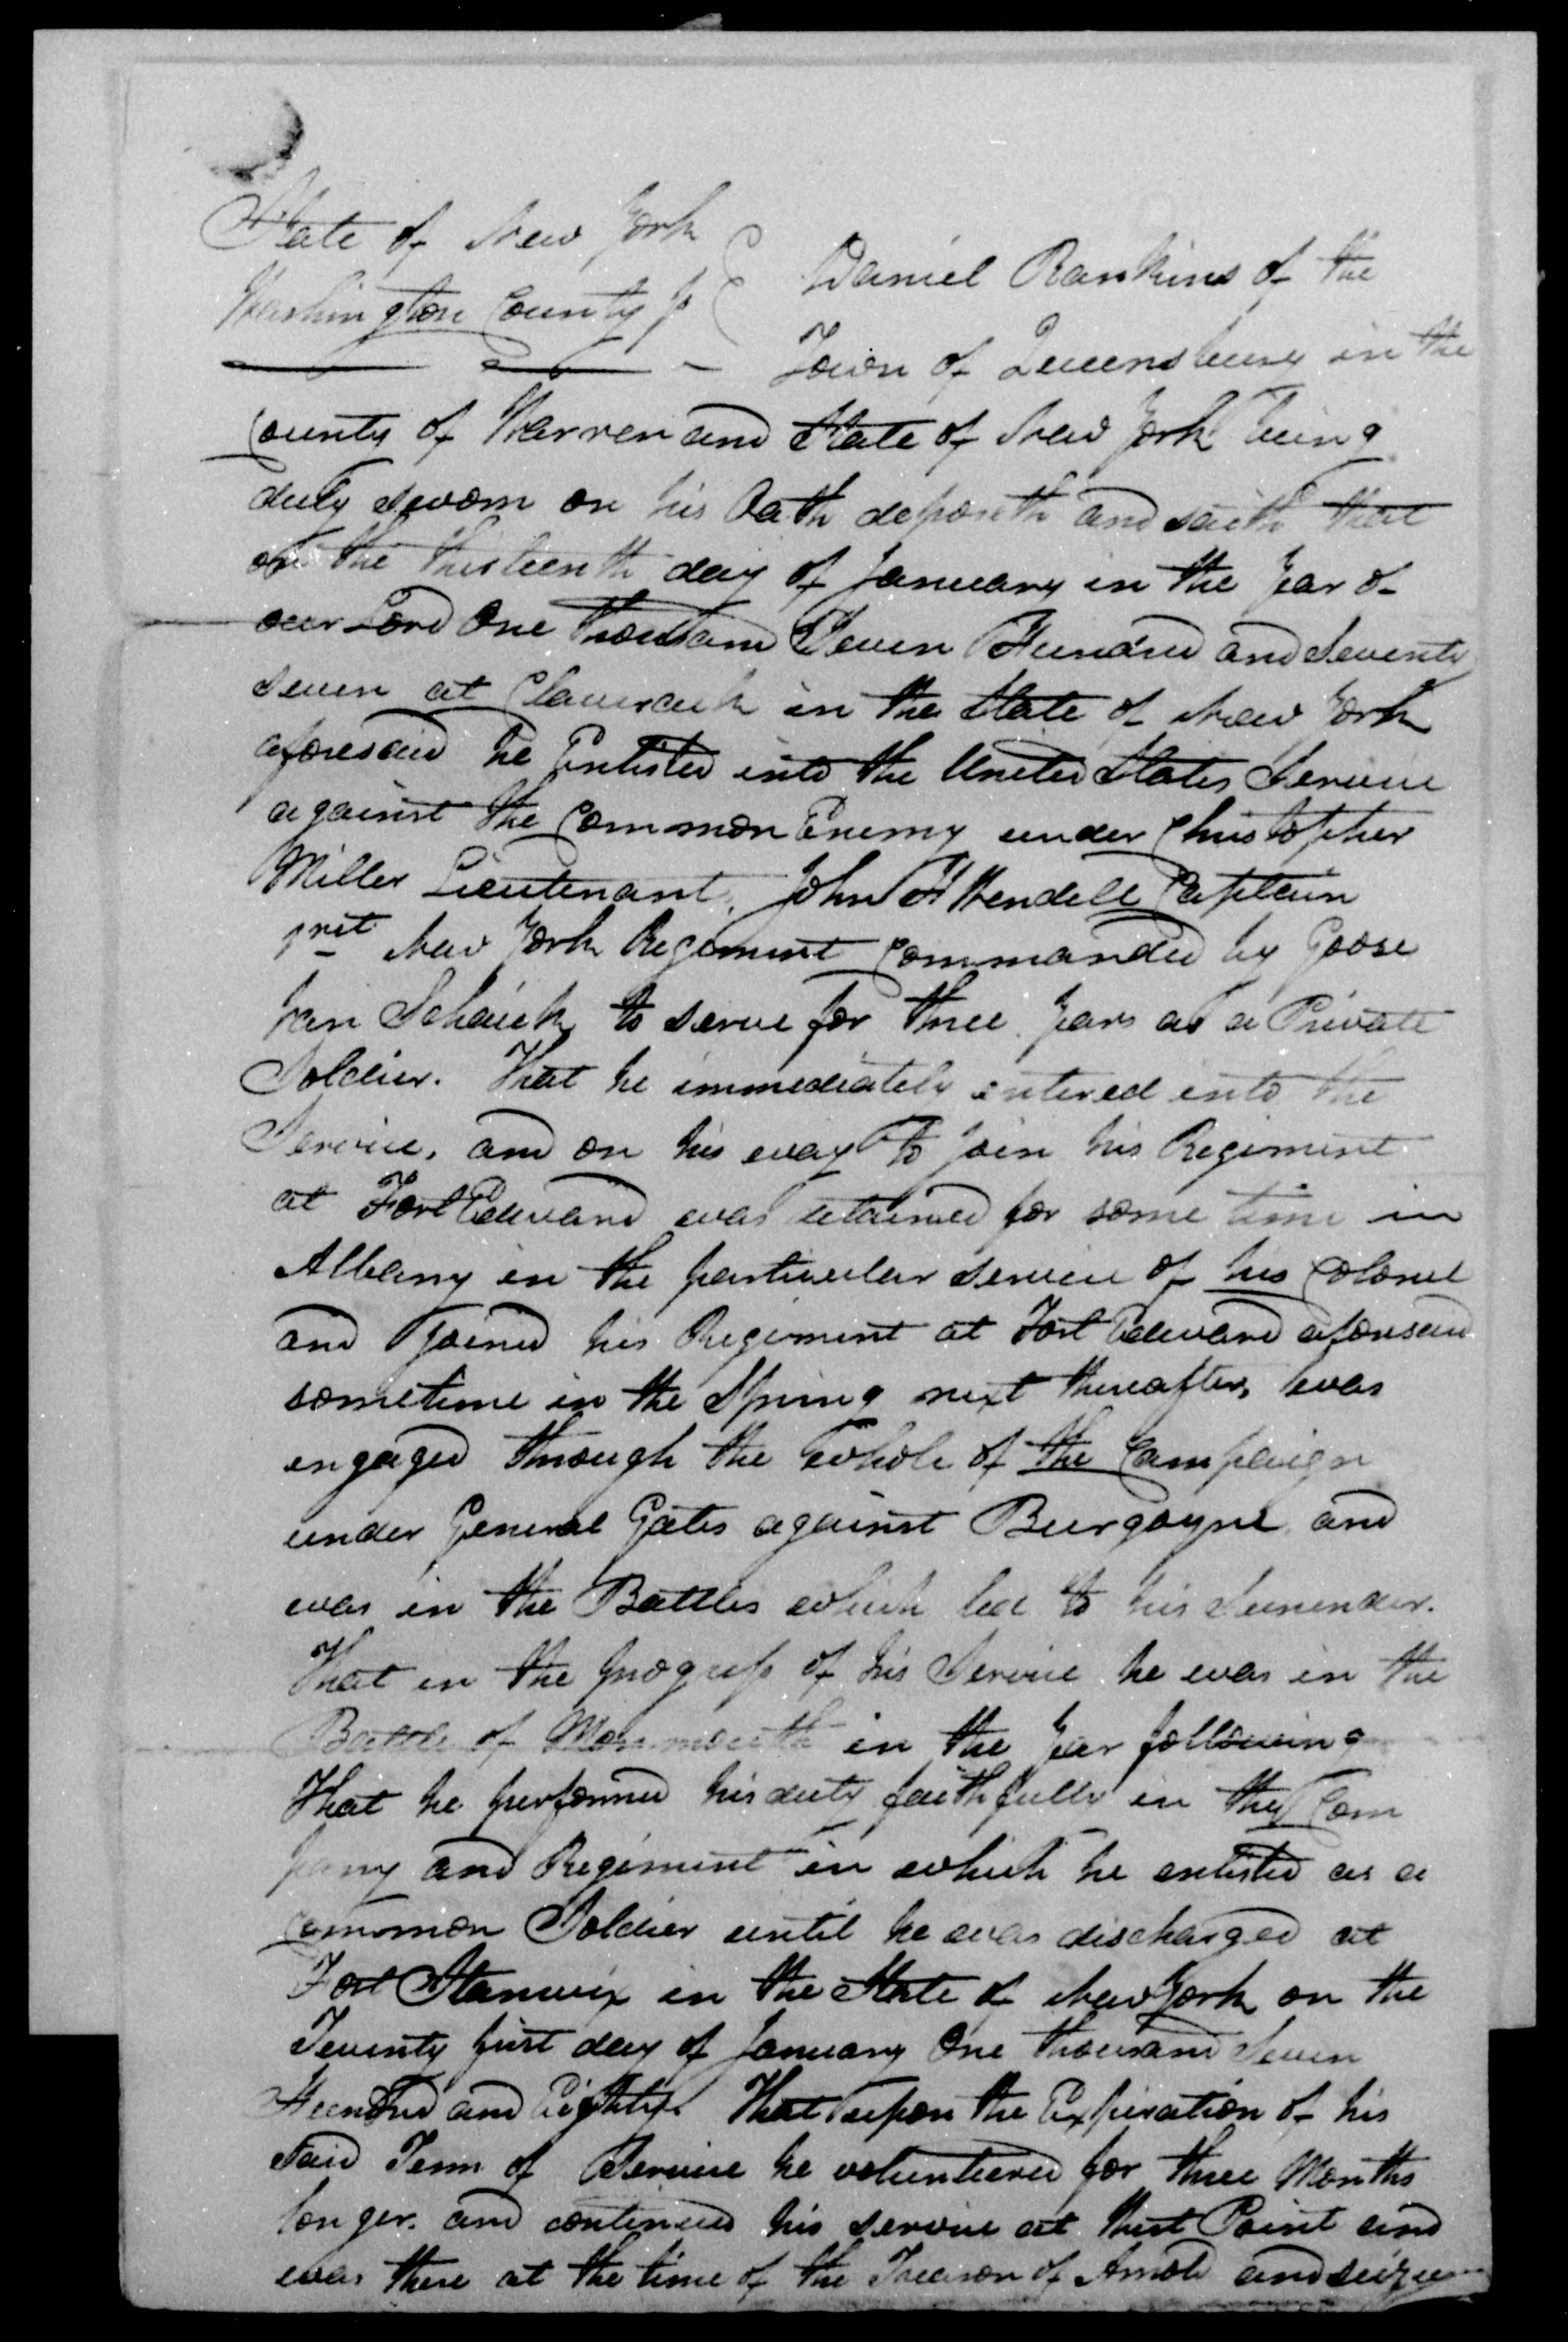State of New York Washington County SS
Daniel Rankin of the Town of Queensbury in the County of Warren and State of New York being duly sworn on his oath deposeth and saith that on the thirteenth day of January in the year of our Lord one thousand seven hundred and seventy seven at Claverack in the State of New York aforesaid he enlisted into the United States service against the Common Enemy under Christopher Miller Lieutenant, John H Wendell Captain 1st New York Regiment commanded by Goose Van Schaick to serve for three years as a Private Soldier. That he immediately entered into the service, and on his way to join his Regiment at Fort Edward was detained for some time in Albany in the particular service of his Colonel and joined his Regiment at Fort Edward aforesaid sometime in the spring next thereafter, was engaged through the whole of the campaign under General Gates against Burgoyne and was in the battles which led to his surrender. That in the progress of his service he was in the Battle of Monmouth in the year following. That he performed his duty faithfully in the company and regiment in which he enlisted as a common soldier until he was discharged at Fort Stanwix in the State of New York on the twenty first day of January one thousand seven hundred and eighty. That upon the expiration of his said term of service he volunteered for three months longer. and continued his service at West Point and was there at the time of the Treason of Arnold and seizure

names: Daniel Rankins; Christopher Miller; [BLANK] Gates; Goose Van Schaick; John H Wendell; [BLANK] Burgoyne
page: 7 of 27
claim: survivor's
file: S. 43897, for Daniel Rankin, New York